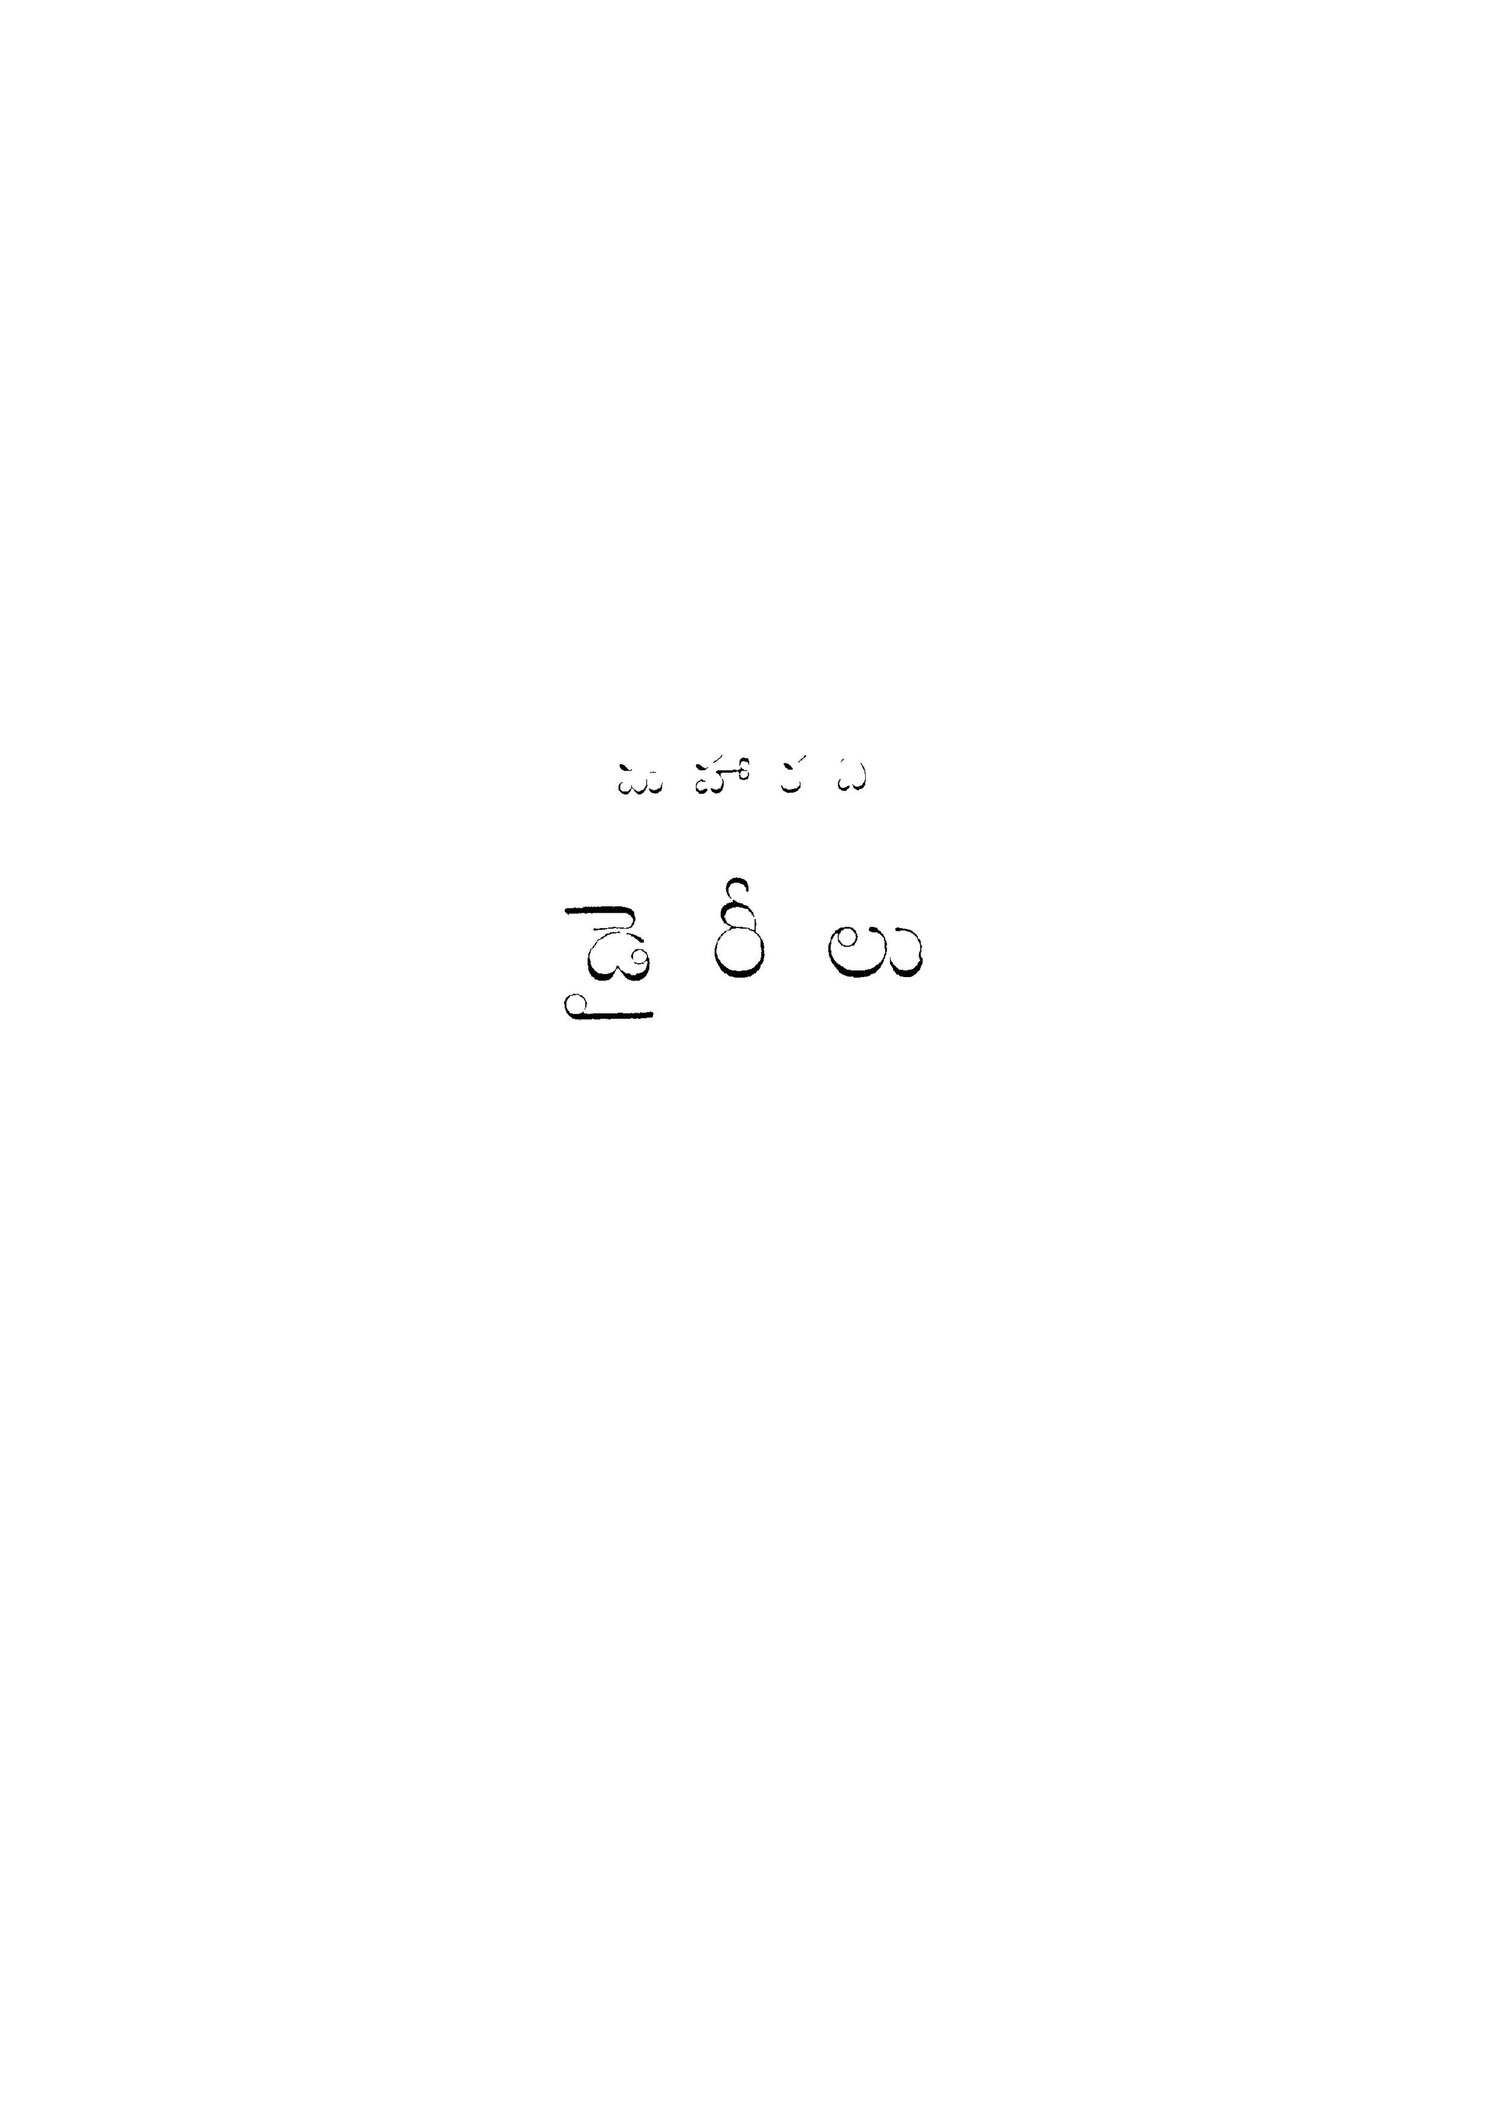మహాకవి

డైరీలు